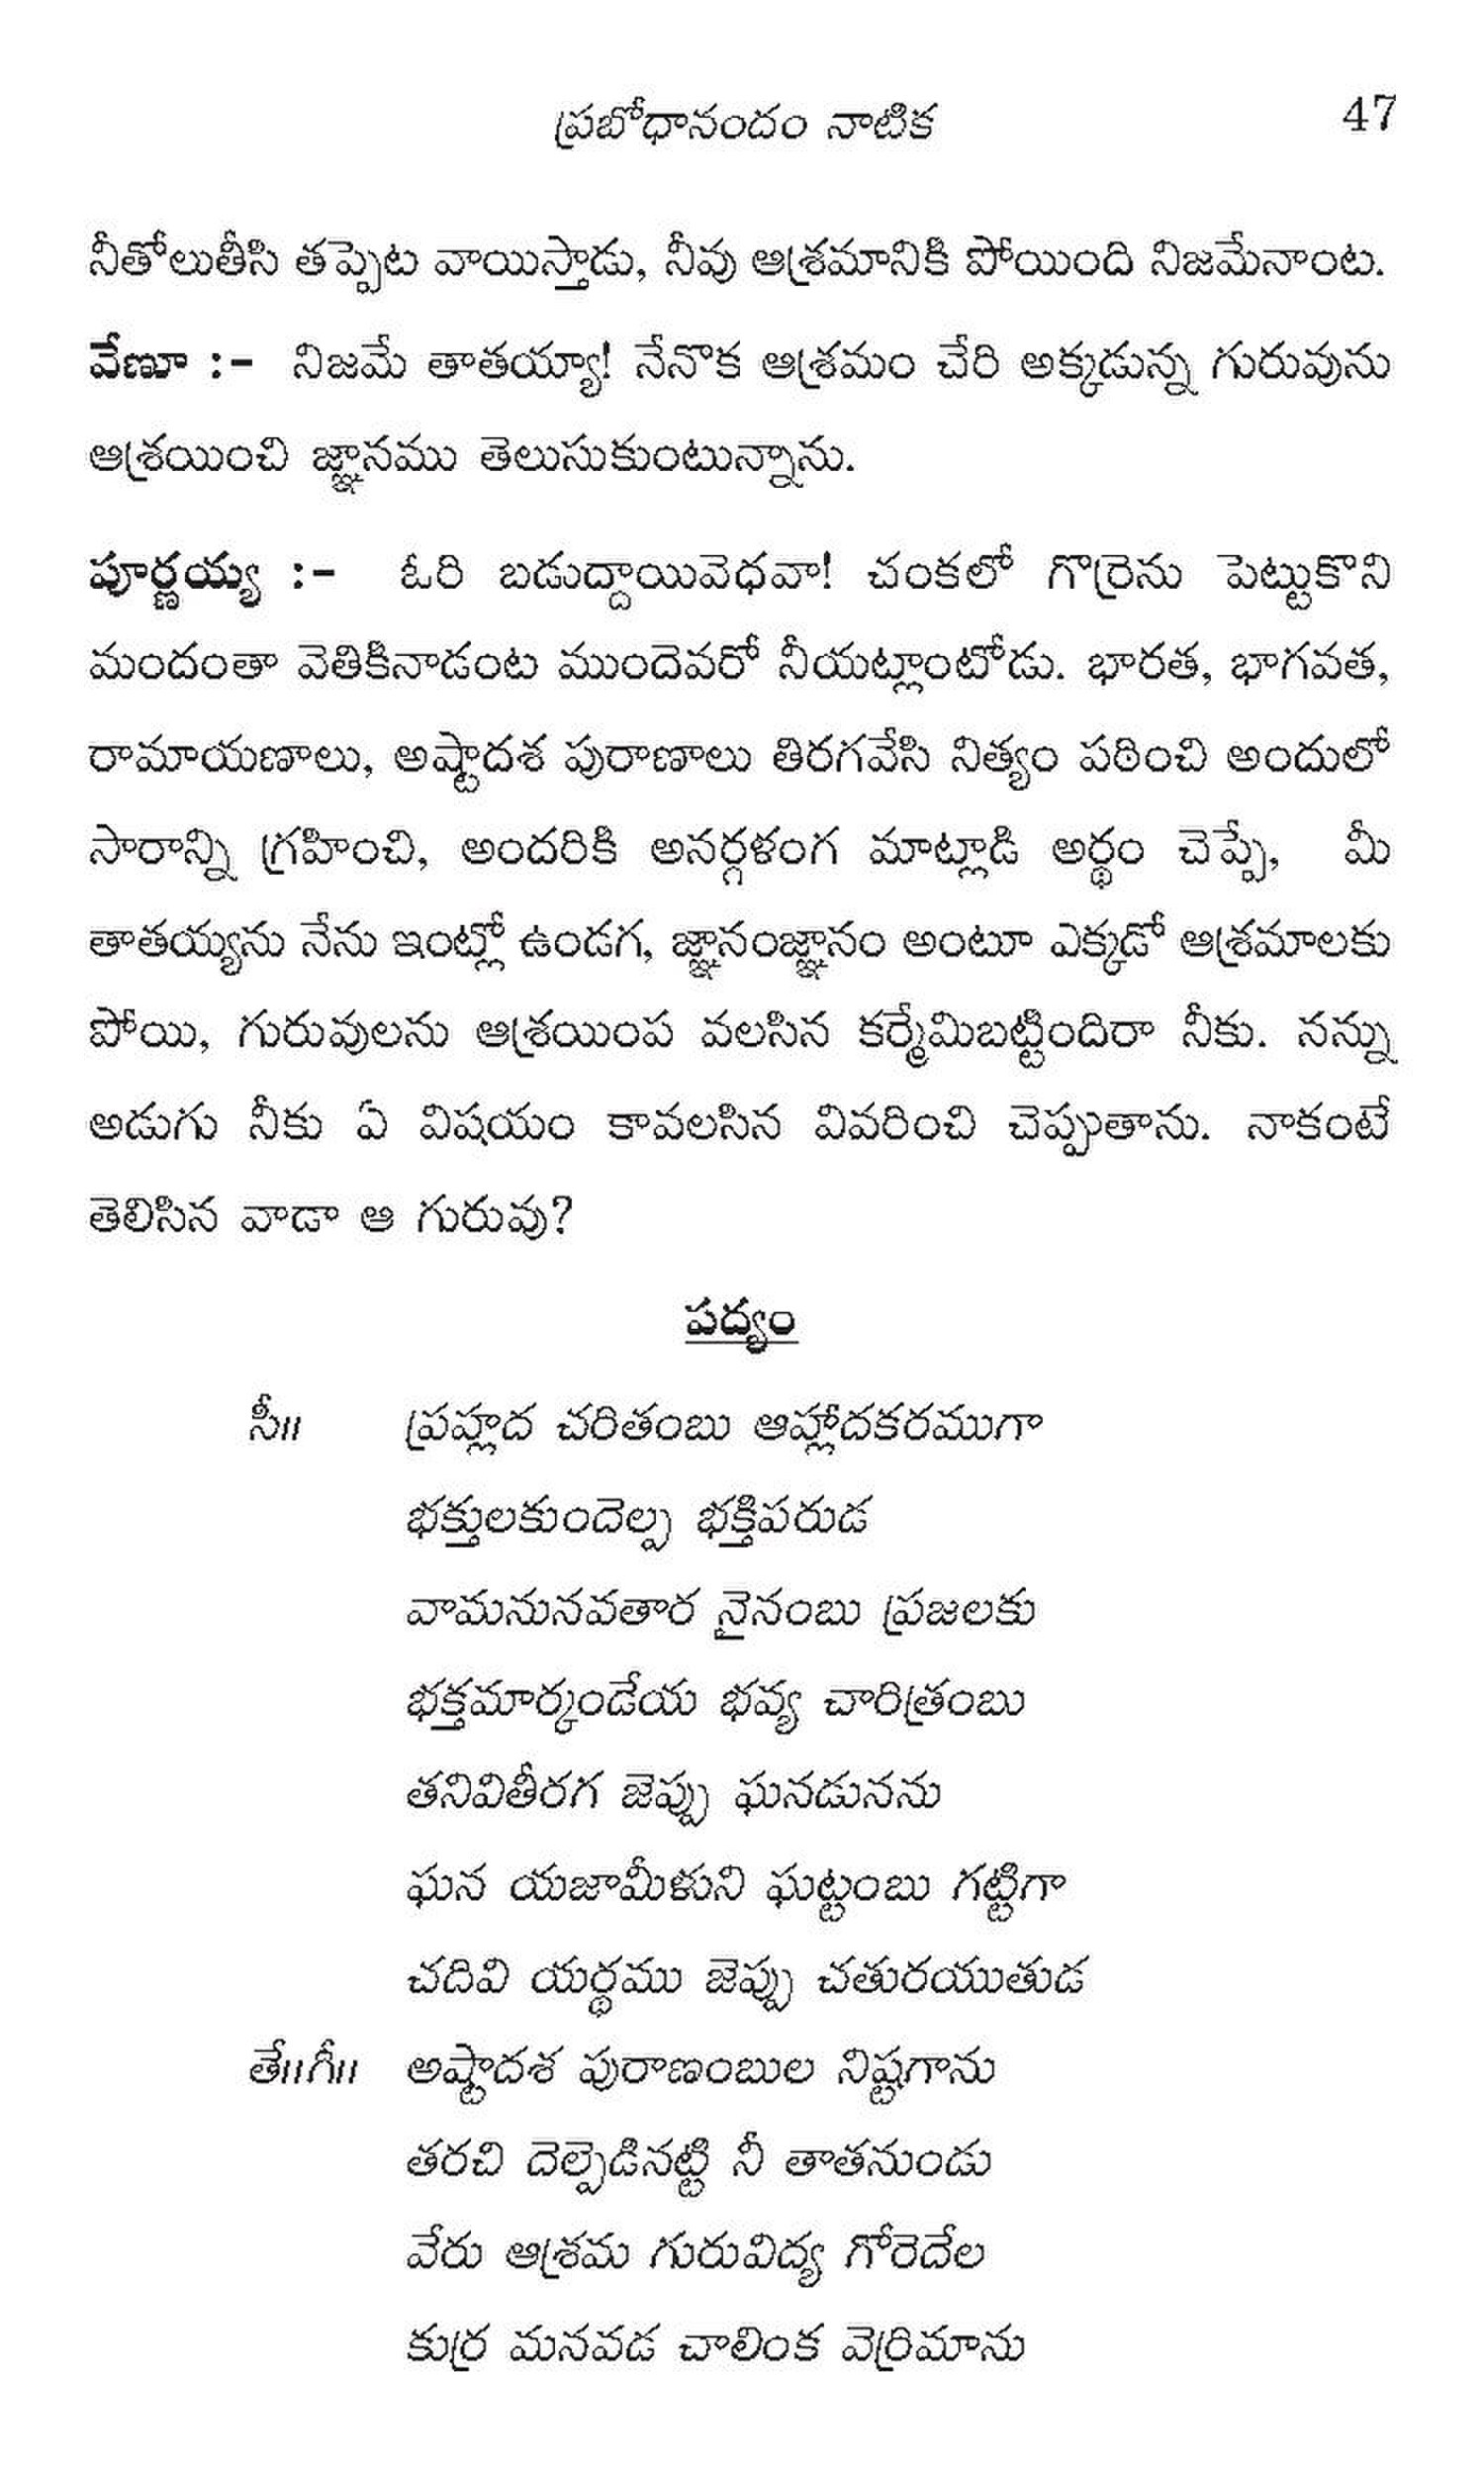నీతోలుతీసి తప్పెట వాయిస్తాడు, నీవు ఆశ్రమానికి పోయింది నిజమేనాంట.

వేణూ :- నిజమే తాతయ్యా! నేనొక ఆశ్రమం చేరి అక్కడున్న గురువును ఆశ్రయించి జ్ఞానము తెలుసుకుంటున్నాను.

పూర్ణయ్య :- ఓరి బడుద్దాయివెధవా! చంకలో గొర్రెను పెట్టుకొని మందంతా వెతికినాడంట ముందెవరో నీయట్లాంటోడు. భారత, భాగవత, రామాయణాలు, అష్టాదశ పురాణాలు తిరగవేసి నిత్యం పఠించి అందులో సారాన్ని గ్రహించి, అందరికి అనర్గళంగ మాట్లాడి అర్థం చెప్పే, మీ తాతయ్యను నేను ఇంట్లో ఉండగ, జ్ఞానంజ్ఞానం అంటూ ఎక్కడో ఆశ్రమాలకు పోయి, గురువులను ఆశ్రయింప వలసిన కర్మేమిబట్టిందిరా నీకు. నన్ను అడుగు నీకు ఏ విషయం కావలసిన వివరించి చెప్పుతాను. నాకంటే తెలిసిన వాడా ఆ గురువు?

పద్యం